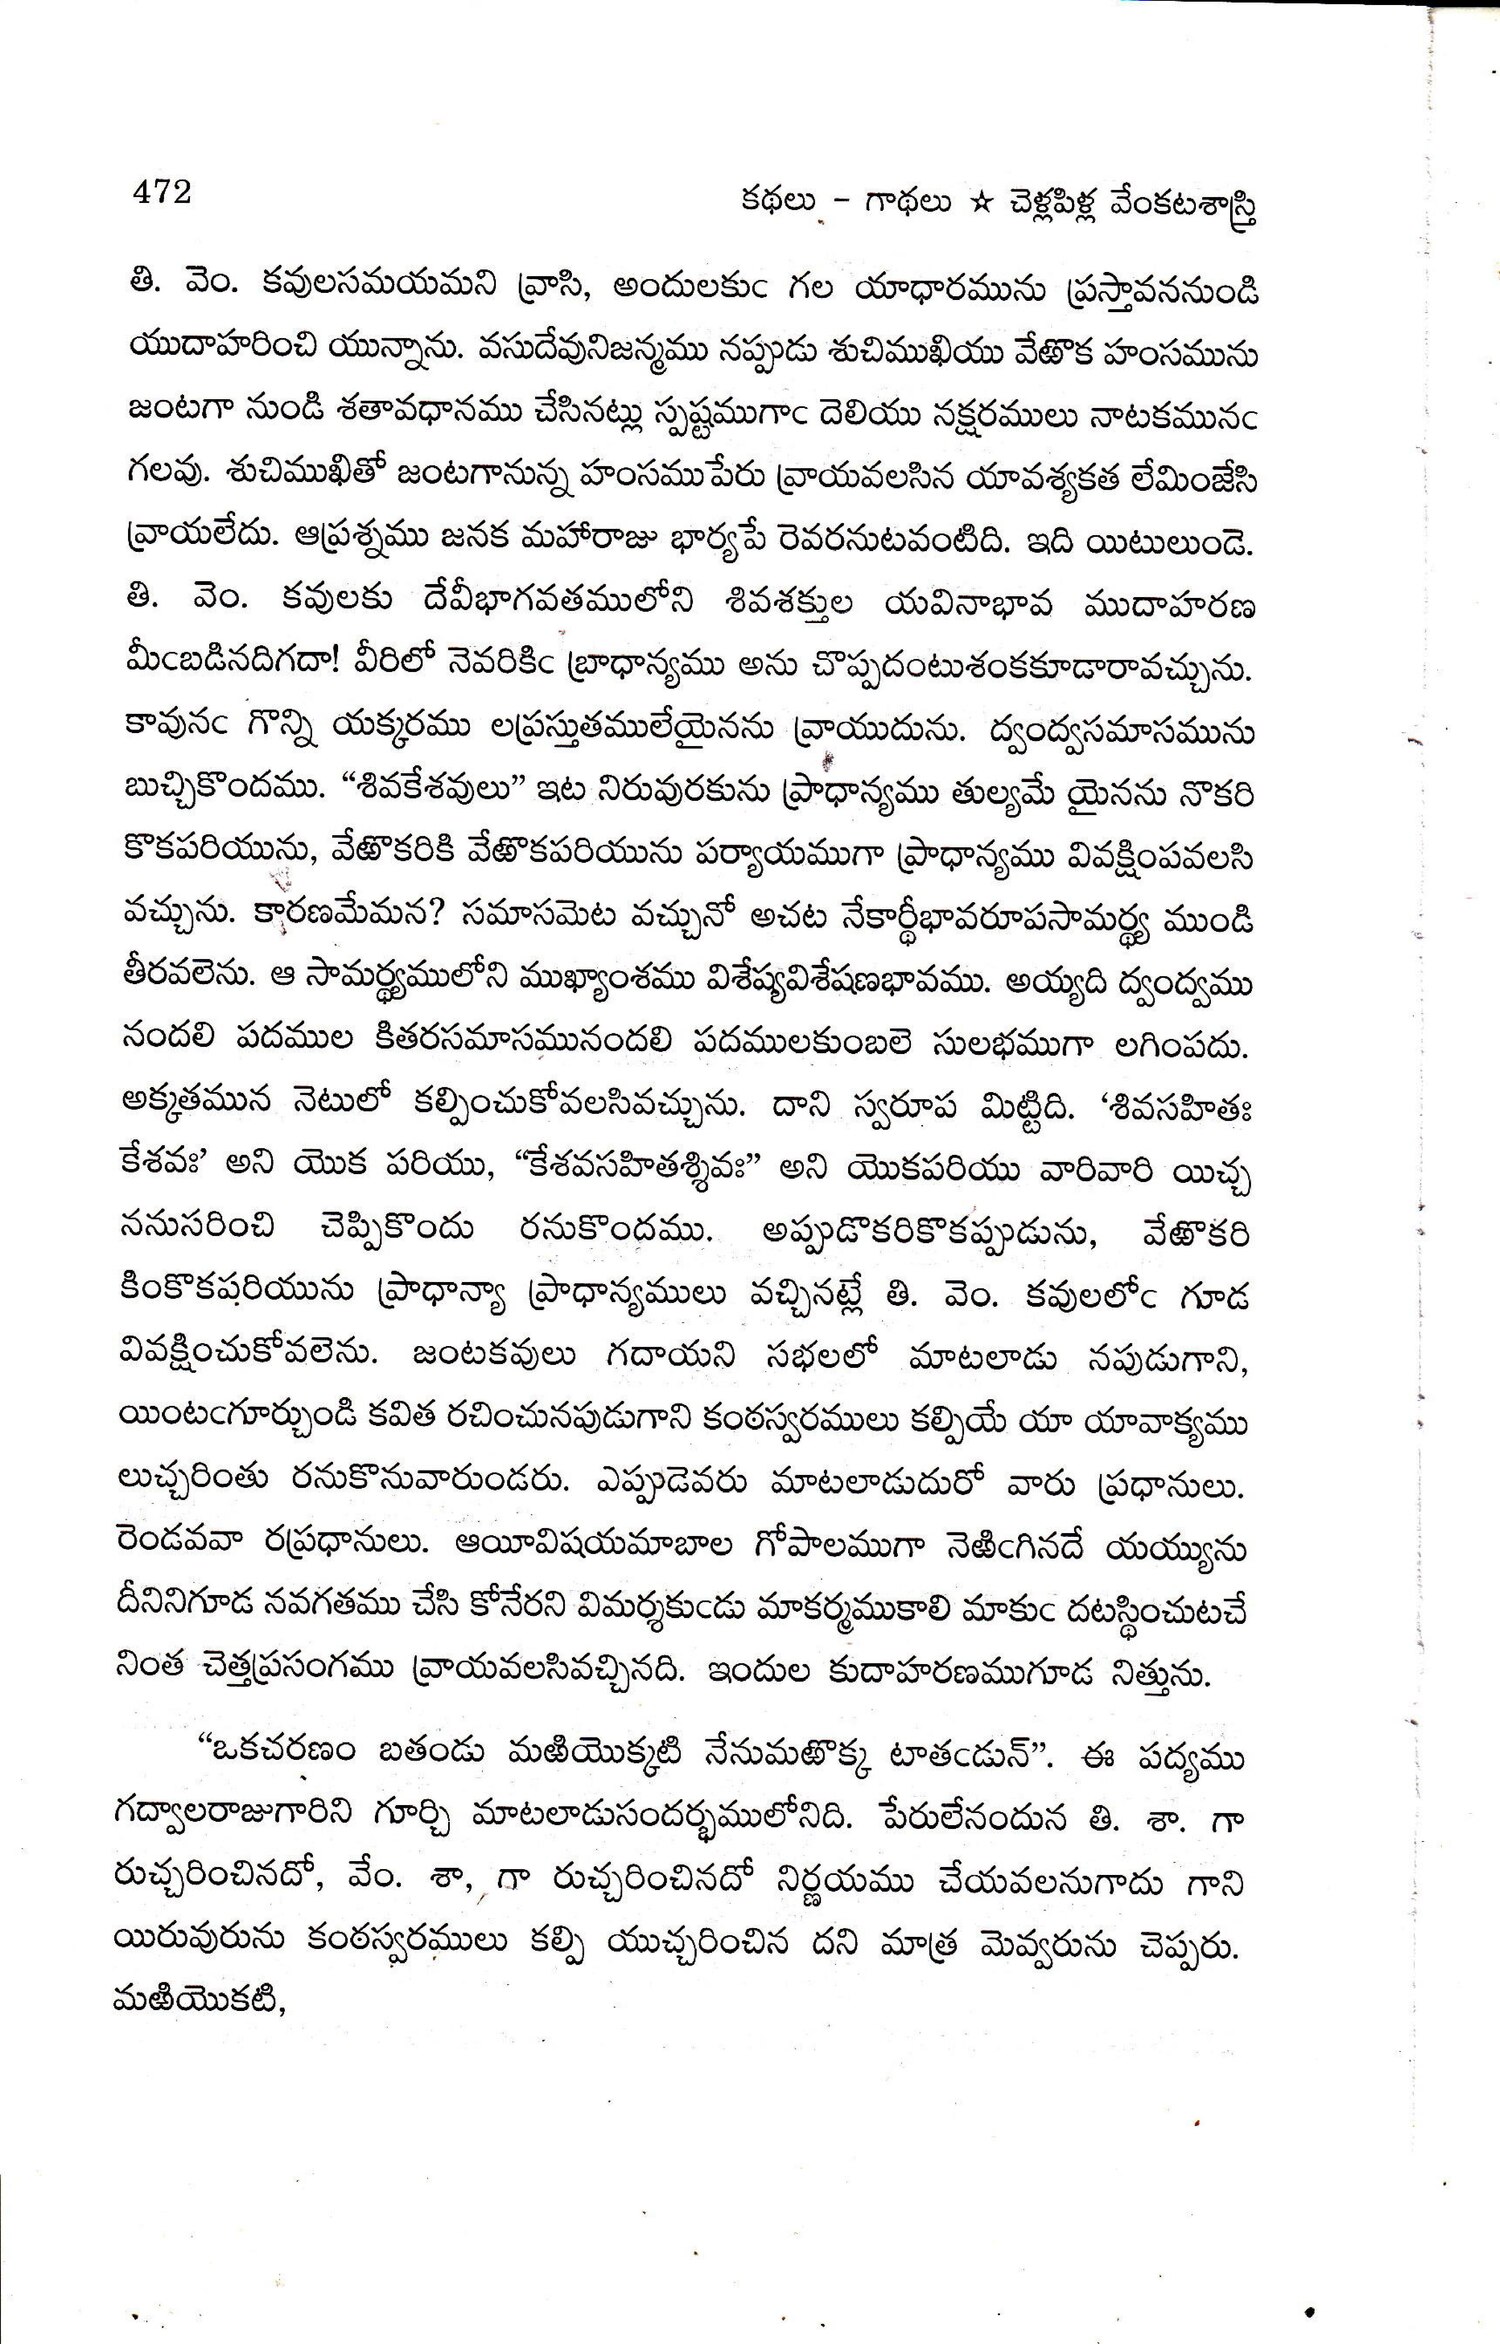తి. వెం. కవులసమయమని వ్రాసి, అందులకుఁ గల యాధారమును ప్రస్తావననుండి యుదాహరించి యున్నాను. వసుదేవునిజన్మము నప్పుడు శుచిముఖియు వేఱొక హంసమును జంటగా నుండి శతావధానము చేసినట్లు స్పష్టముగాఁ దెలియు నక్షరములు నాటకమునఁ గలవు. శుచిముఖితో జంటగానున్న హంసముపేరు వ్రాయవలసిన యావశ్యకత లేమింజేసి వ్రాయలేదు. ఆప్రశ్నము జనక మహారాజు భార్యపే రెవరనుటవంటిది. ఇది యిటులుండె. తి. వెం. కవులకు దేవీభాగవతములోని శివశక్తుల యవినాభావ ముదాహరణ మీఁబడినదిగదా! వీరిలో నెవరికిఁ బ్రాధాన్యము అను చొప్పదంటుశంకకూడారావచ్చును. కావునఁ గొన్ని యక్కరము లప్రస్తుతములేయైనను వ్రాయుదును. ద్వంద్వసమాసమును బుచ్చికొందము. "శివకేశవులు" ఇట నిరువురకును ప్రాధాన్యము తుల్యమే యైనను నొకరి కొకపరియును, వేఱొకరికి వేఱొకపరియును పర్యాయముగా ప్రాధాన్యము వివక్షింపవలసి వచ్చును. కారణమేమన? సమాసమెట వచ్చునో అచట నేకార్థీభావరూపసామర్థ్య ముండి తీరవలెను. ఆ సామర్థ్యములోని ముఖ్యాంశము విశేష్యవిశేషణభావము. అయ్యది ద్వంద్వము నందలి పదముల కితరసమాసమునందలి పదములకుంబలె సులభముగా లగింపదు. అక్కతమున నెటులో కల్పించుకోవలసివచ్చును. దాని స్వరూప మిట్టిది. ‘శివసహితః కేశవః' అని యొక పరియు, "కేశవసహితశ్శివః" అని యొకపరియు వారివారి యిచ్చ ననుసరించి చెప్పికొందు రనుకొందము. అప్పుడొకరికొకప్పుడును, వేఱొకరి కింకొకపరియును ప్రాధాన్యా ప్రాధాన్యములు వచ్చినట్లే తి. వెం. కవులలోఁ గూడ వివక్షించుకోవలెను. జంటకవులు గదాయని సభలలో మాటలాడు నపుడుగాని, యింటఁగూర్చుండి కవిత రచించునపుడుగాని కంఠస్వరములు కల్పియే యా యావాక్యము లుచ్చరింతు రనుకొనువారుండరు. ఎప్పుడెవరు మాటలాడుదురో వారు ప్రధానులు. రెండవవా రప్రధానులు. ఆయీవిషయమాబాల గోపాలముగా నెఱిఁగినదే యయ్యును దీనినిగూడ నవగతము చేసి కోనేరని విమర్శకుఁడు మాకర్మముకాలి మాకుఁ దటస్థించుటచే నింత చెత్తప్రసంగము వ్రాయవలసివచ్చినది. ఇందుల కుదాహరణముగూడ నిత్తును.

"ఒకచరణం బతండు మఱియొక్కటి నేనుమఱొక్క టాతఁడున్". ఈ పద్యము గద్వాలరాజుగారిని గూర్చి మాటలాడుసందర్భములోనిది. పేరులేనందున తి. శా, గా రుచ్చరించినదో, వేం. శా, గా రుచ్చరించినదో నిర్ణయము చేయవలనుగాదు గాని యిరువురును కంఠస్వరములు కల్పి యుచ్చరించిన దని మాత్ర మెవ్వరును చెప్పరు. మఱియొకటి,